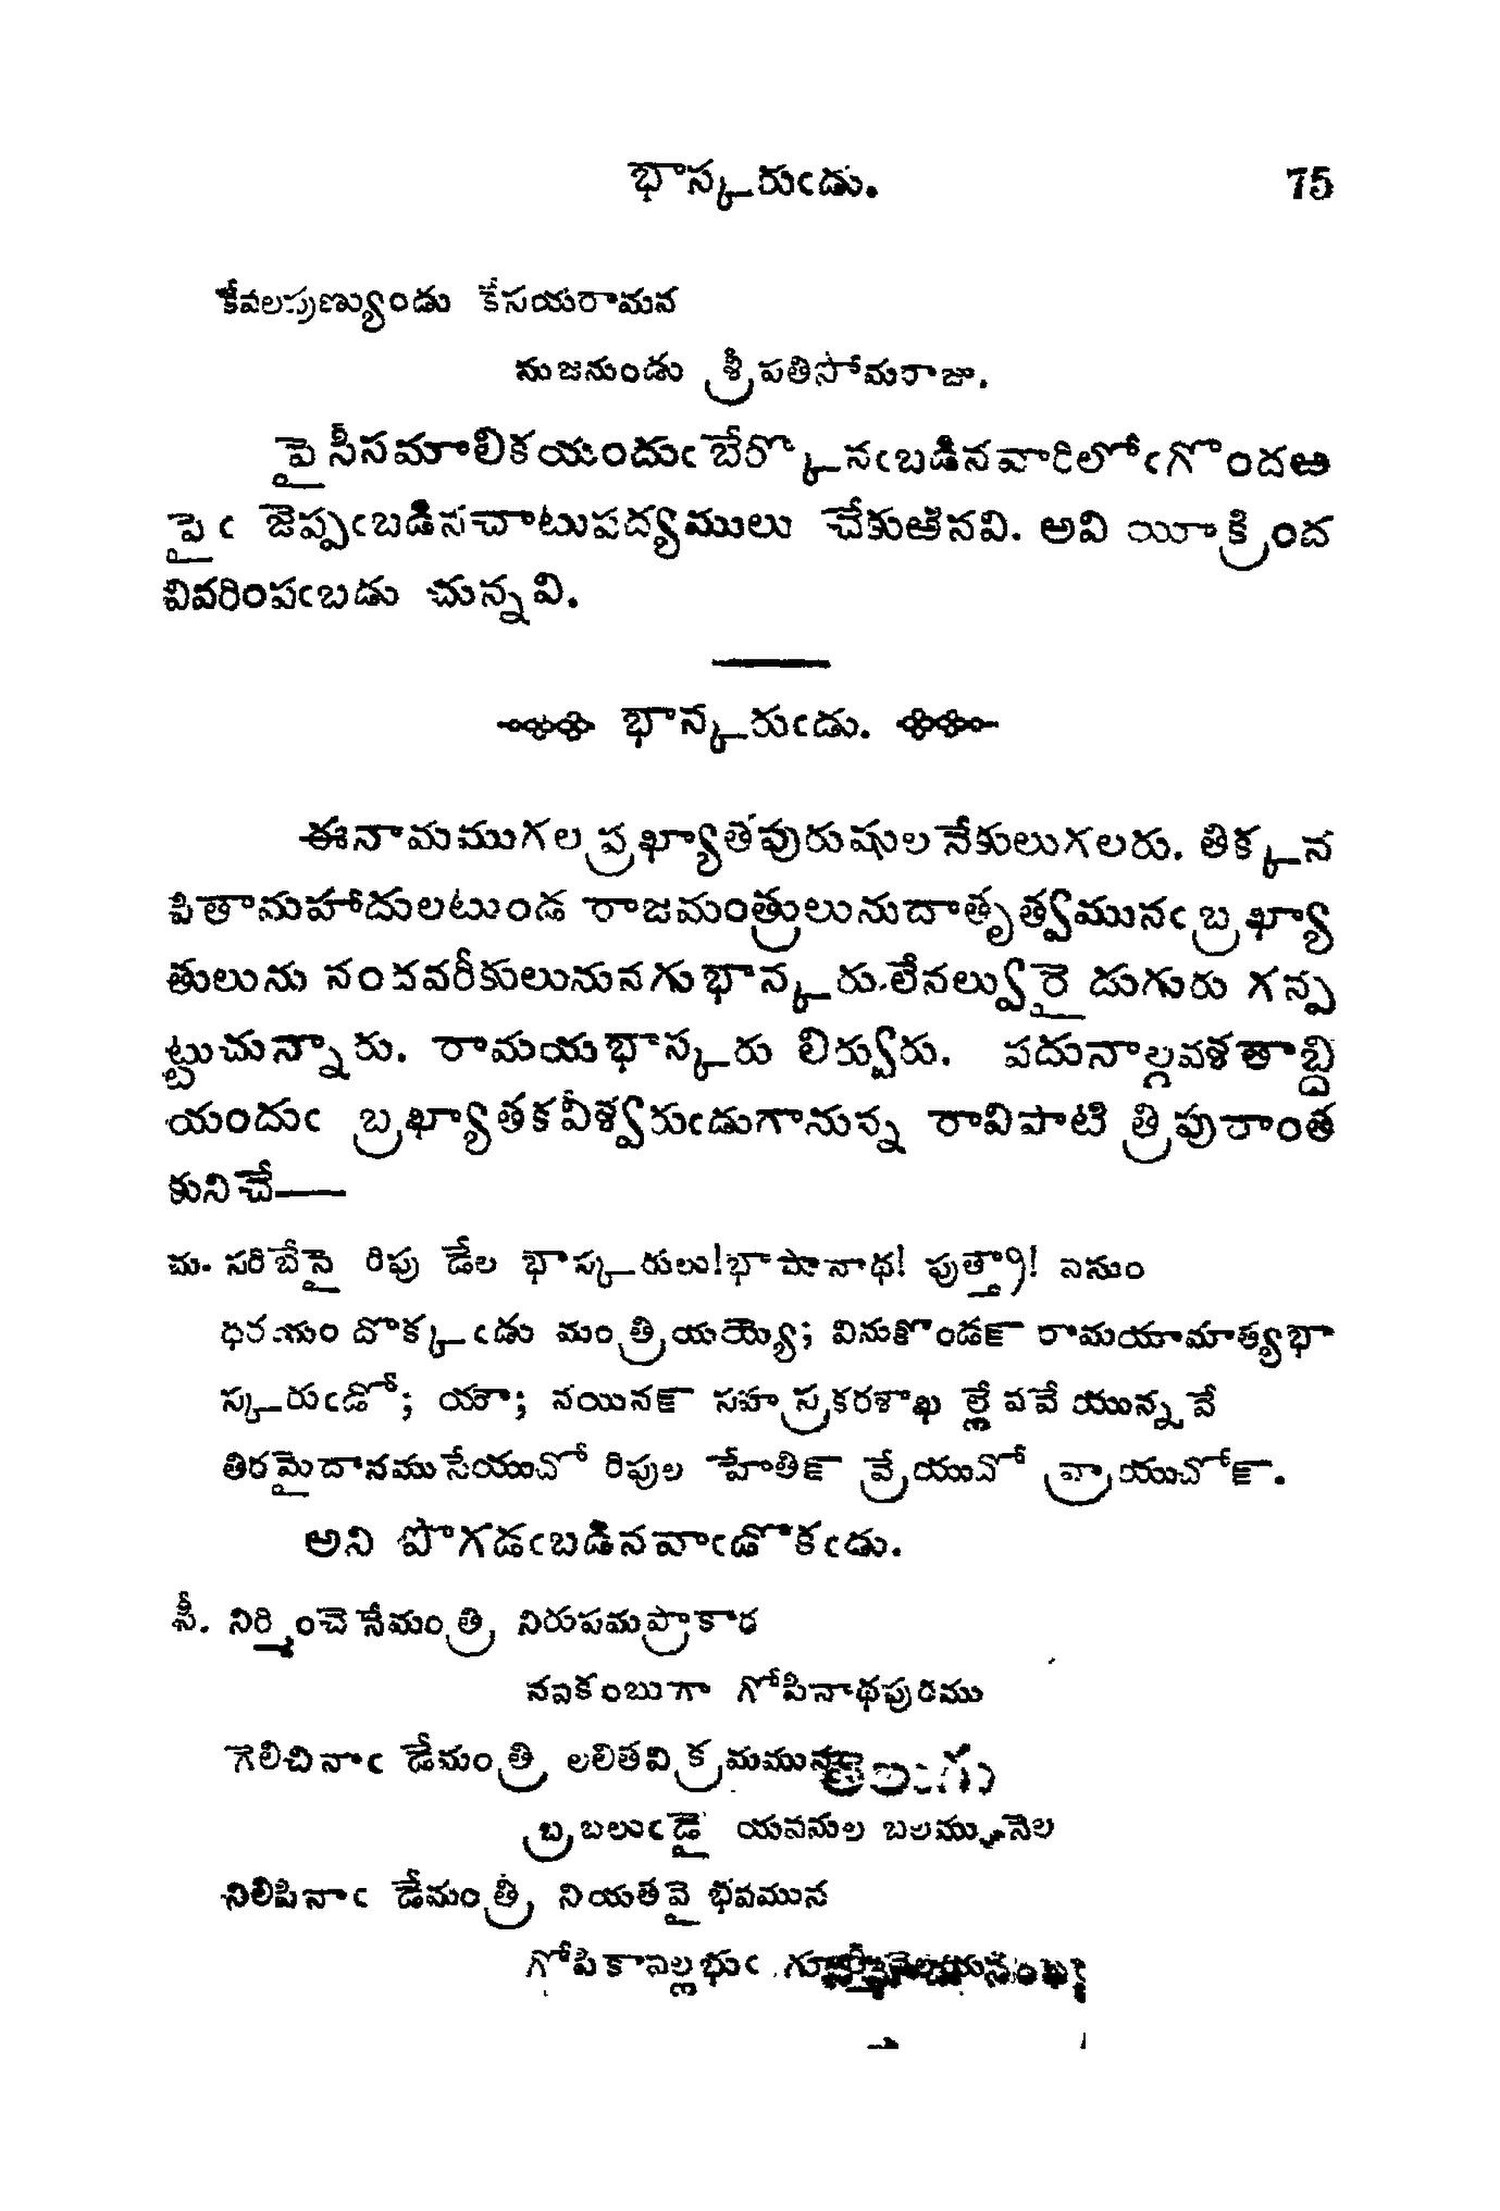కేవలపుణ్యుండు కేసయరామన
 సుజనుండు శ్రీపతిసోమరాజు.
పై సీసమాలికయందుఁ బేర్కొనఁబడినవారిలోఁ గొందఱపైఁ జెప్పఁబడిన చాటుపద్యములు చేకుఱినవి.

ఈనామము గల ప్రఖ్యాతపురుషు లనేకులు గలరు. తిక్కనపితామహాదులటుండ రాజమంత్రులును దాతృత్వమునఁ బ్రఖ్యాతులును నందవరీకులును నగు భాస్కరులే నల్వురైదుగురు గన్పట్టుచున్నారు. రామయభాస్కరు లిర్వురు. పదునాల్గవశతాబ్దియందుఁ బ్రఖ్యాతకవీశ్వరుఁడుగానున్న రావిపాటి త్రిపురాంతకునిచే—
మ. సరబేసై రిపు డేల భాస్కరులు! భాషానాథ! పుత్త్రా! వసుం
 ధరయందొక్కఁడు మంత్రి యయ్యె; వినుకొండన్ రామయామాత్యభా
 స్కరుఁడో; యౌ; నయినన్ సహస్రకరశాఖ ల్లే; వవే యున్నవే
 తిరమై దానము సేయుచో రిపుల హేతిన్ వ్రేయుచో వ్రాయుచోన్.
అని పొగడఁబడిన వాఁడొకఁడు.
సీ. నిర్మించె నేమంత్రి నిరుపమప్రాకార
 నవకంబుగా గోపినాథపురము
 గెలిచినాఁ డేమంత్రి లలితవిక్రమమునఁ
 బ్రబలుఁడై యవనుల బలమునెల్ల
 నిలిపినాఁ డేమంత్రి నియతవైభవమున
 గోపికావల్లభుఁ గూర్మి వెలయ